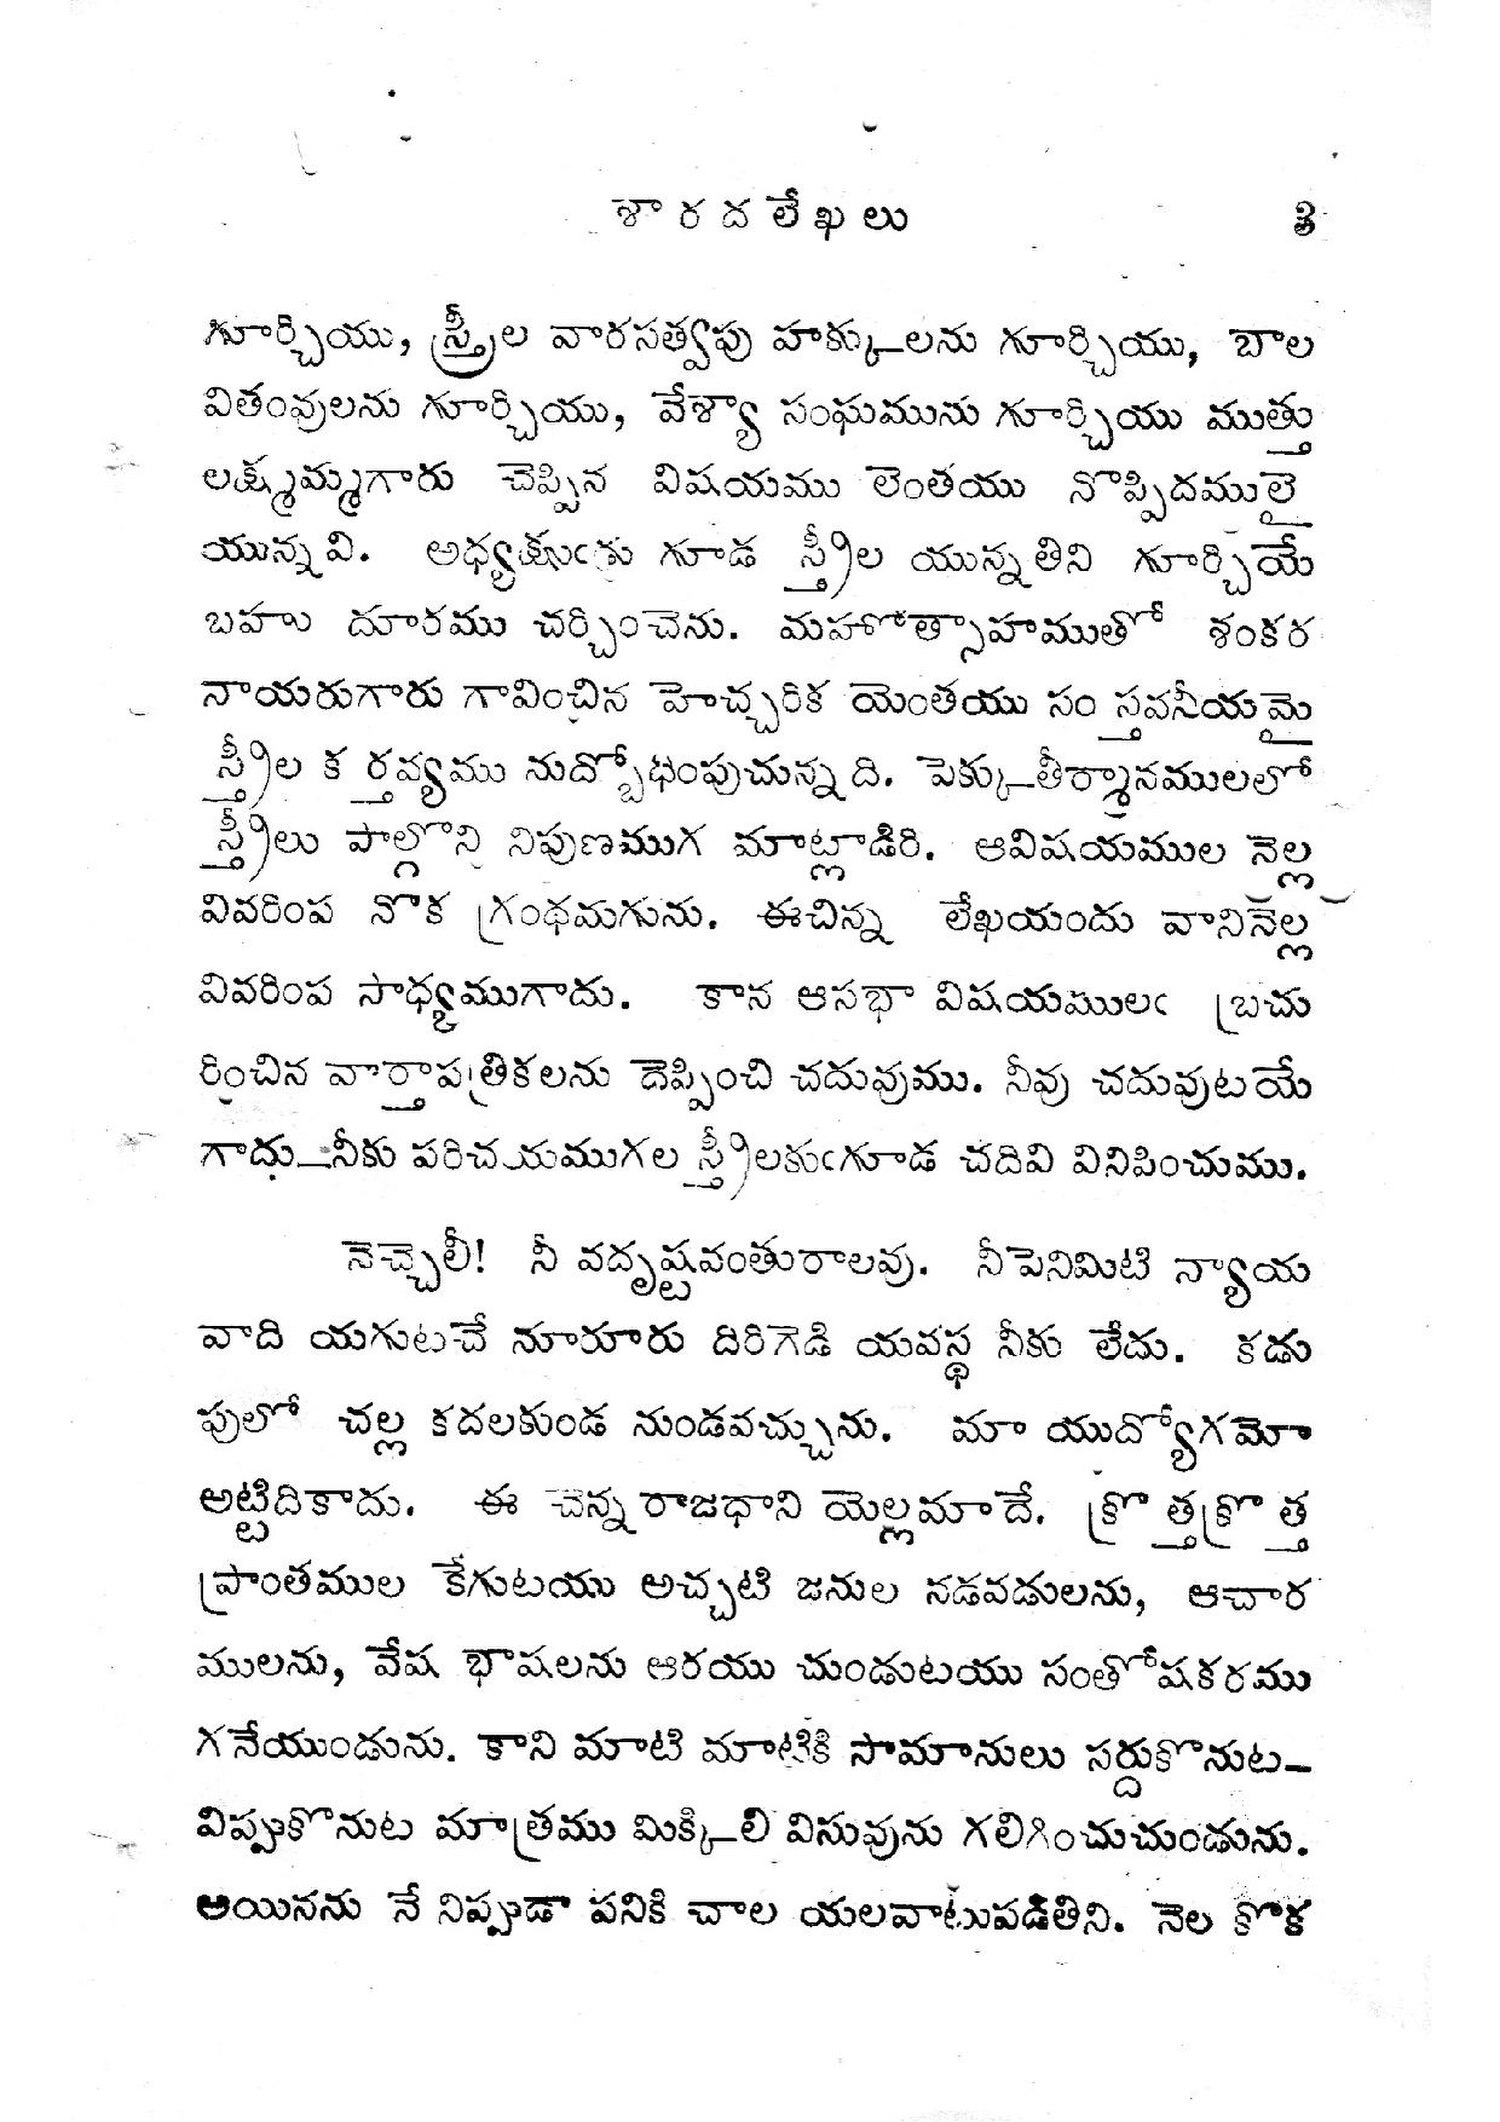గూర్చియు, స్త్రీల వారసత్వపు హక్కులను గూర్చియు, బాల వితంవులను గూర్చియు, వేశ్యా సంఘమును గూర్చియు ముత్తులక్ష్మమ్మగారు చెప్పిన విషయము లెంతయు నొప్పిదములై యున్నవి. అధ్యక్షుఁడు గూడ స్త్రీల యున్నతిని గూర్చియే బహు దూరము చర్చించెను. మహోత్సాహముతో శంకరనాయరుగారు గావించిన హెచ్చరిక యెంతయు సంస్తవనీయమై స్త్రీల కర్తవ్యము నుద్బోధింపుచున్నది. పెక్కుతీర్మానములలో స్త్రీలు పాల్గొని నిపుణముగ మాట్లాడిరి. ఆవిషయముల నెల్ల వివరింప నొక గ్రంథమగును. ఈచిన్న లేఖయందు వానినెల్ల వివరింప సాధ్యముగాదు. కాన ఆసభా విషయములఁ బ్రచురించిన వార్తాపత్రికలను దెప్పించి చదువుము. నీవు చదువుటయే గాదు - నీకు పరిచయముగల స్త్రీలకుఁగూడ చదివి వినిపించుము.

నెచ్చెలీ! నీ వదృష్టవంతురాలవు. నీపెనిమిటి న్యాయవాది యగుటచే నూరూరు దిరిగెడి యవస్థ నీకు లేదు. కడుపులో చల్ల కదలకుండ నుండవచ్చును. మా యుద్యోగమో అట్టిదికాదు. ఈ చెన్నరాజధాని యెల్లమాదే. క్రొత్తక్రొత్త ప్రాంతముల కేగుటయు అచ్చటి జనుల నడవడులను, ఆచారములను, వేష భాషలను ఆరయు చుండుటయు సంతోషకరముగనేయుండును. కాని మాటి మాటికి సామానులు
సర్దుకొనుట — విప్పుకొనుట మాత్రము మిక్కిలి విసువును గలిగించుచుండును. అయినను నే నిప్పుడా పనికి చాల యలవాటుపడితిని. నెల కొక